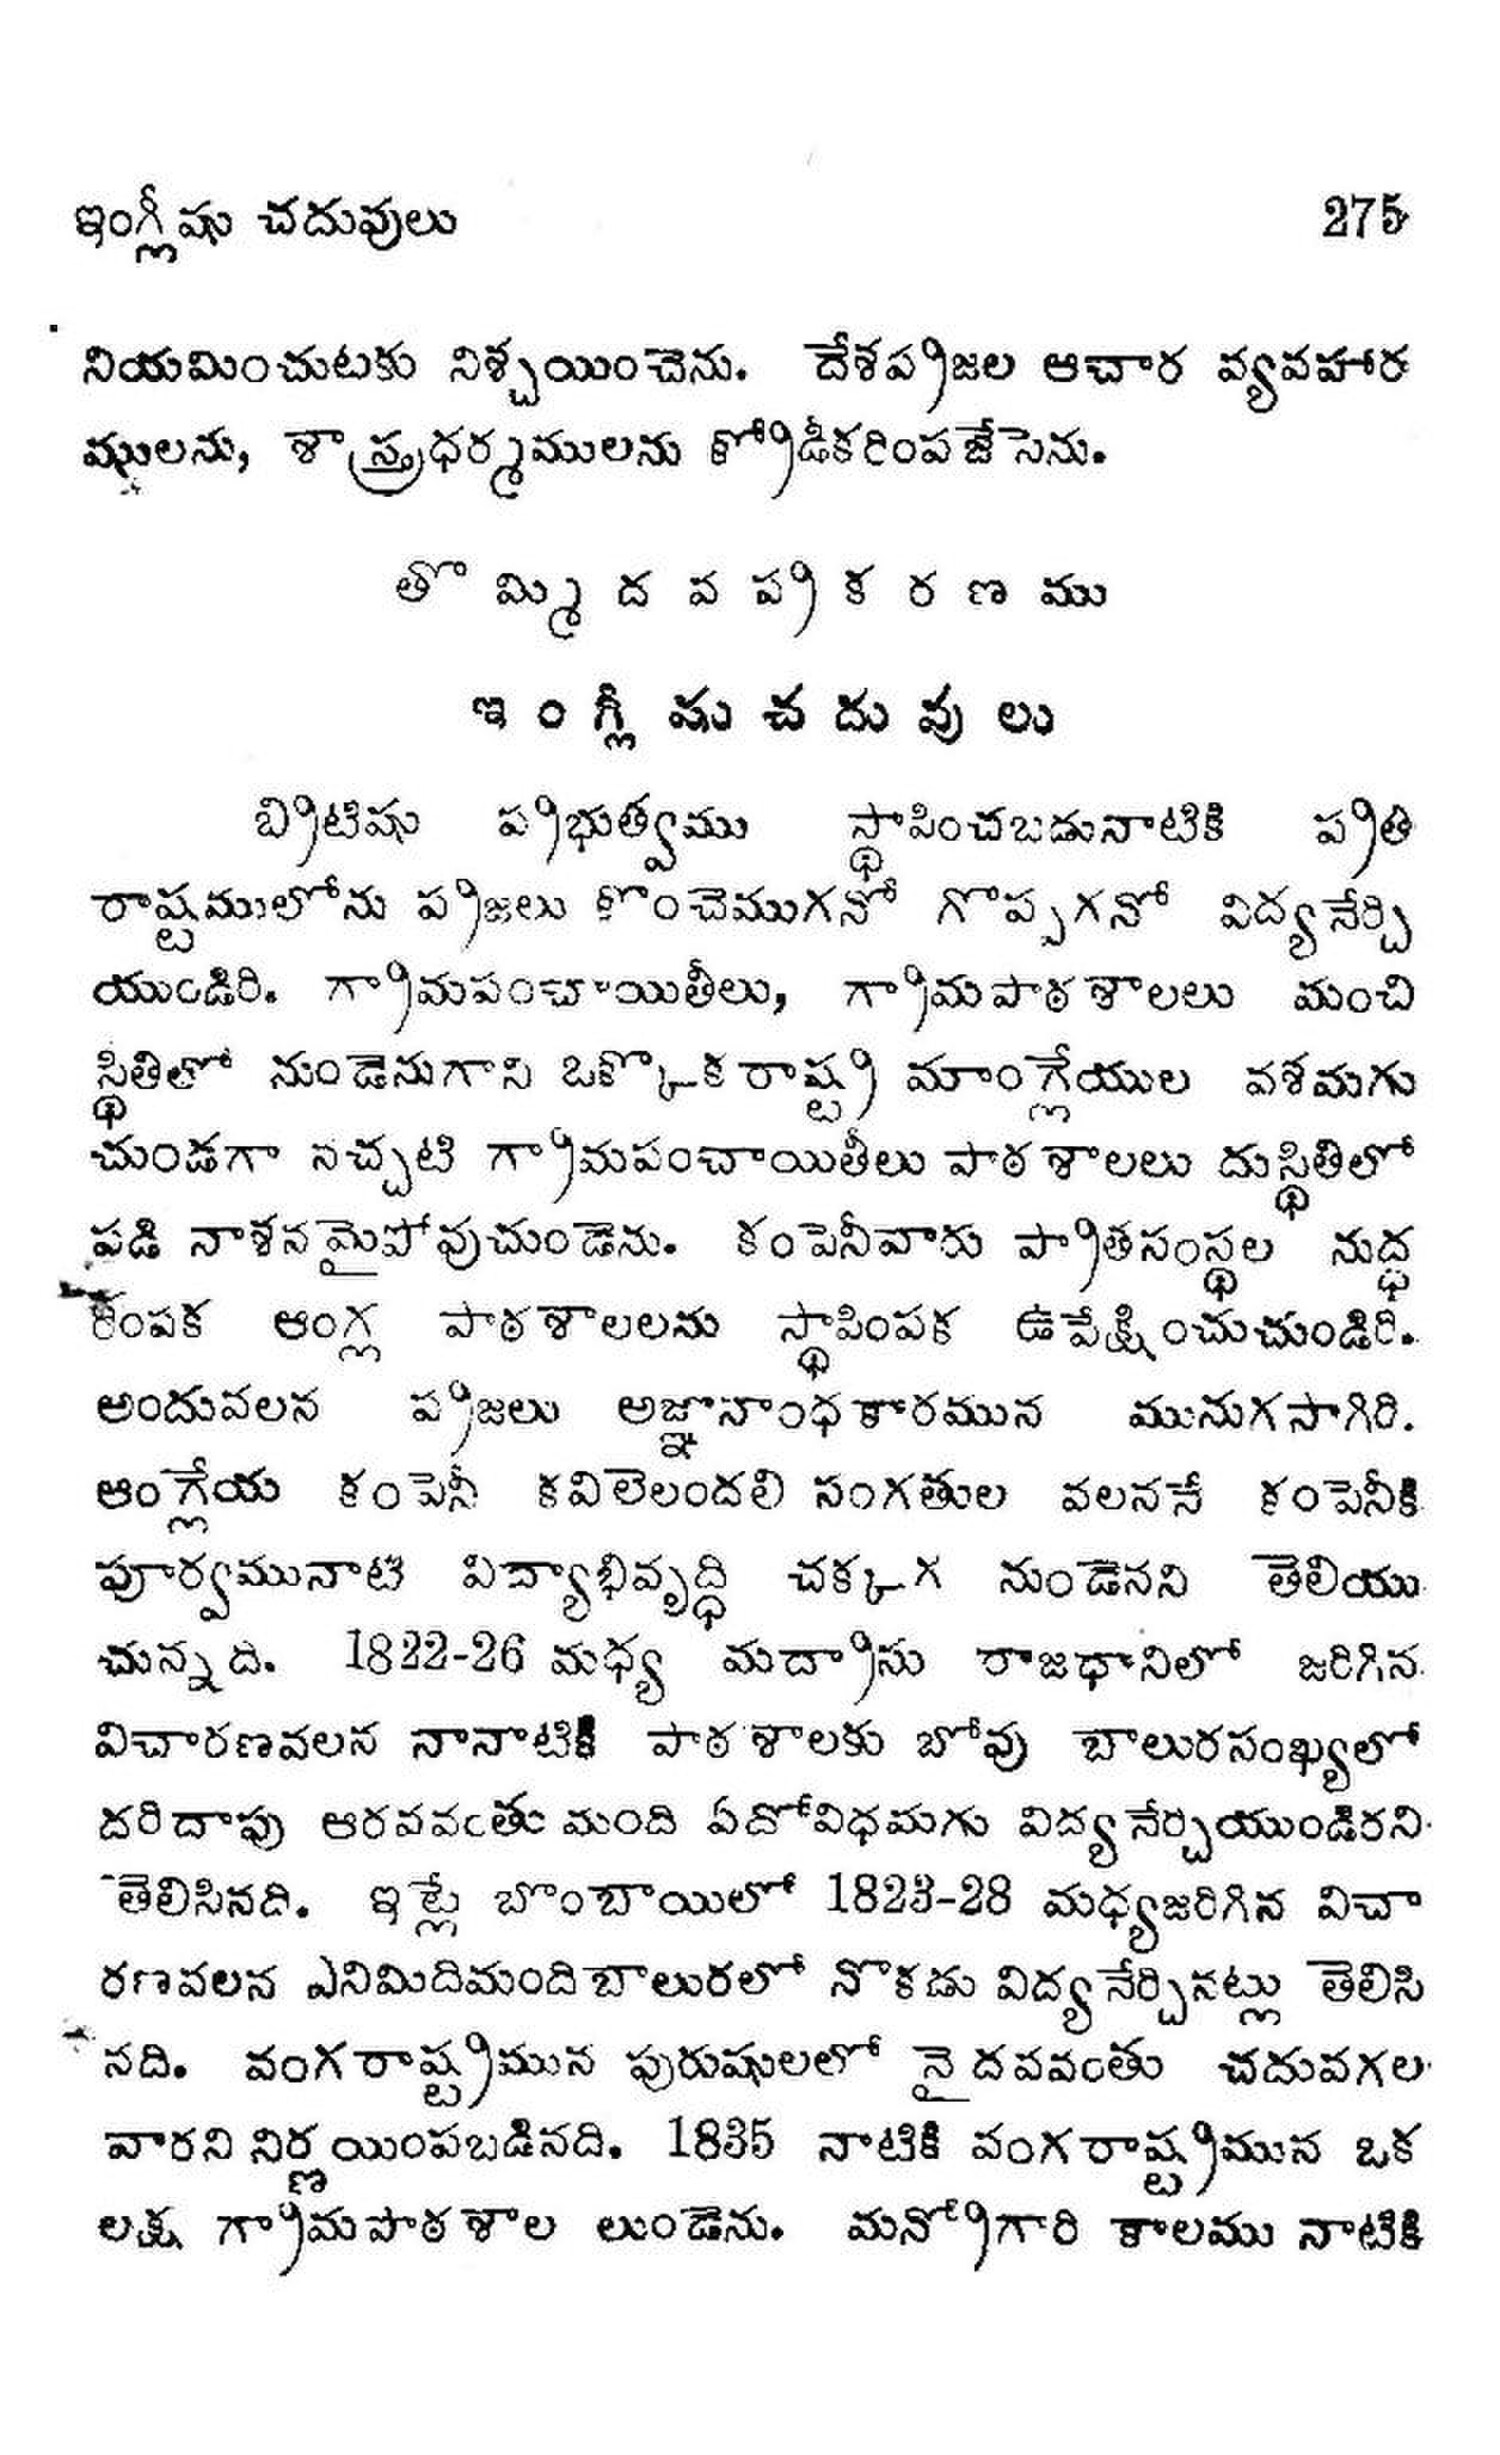నియమించుటకు నిశ్చయించెను. దేశప్రజల ఆచార వ్యవహారములను, శాస్త్రధర్మములను క్రోడీకరింపజేసెను.

తొమ్మిదవ ప్రకరణము
ఇంగ్లీషు చదువులు 

బ్రిటిషు ప్రభుత్వము స్థాపించబడునాటికి ప్రతిరాష్ట్రములోను ప్రజలు కొంచెముగనో గొప్పగనో విద్యనేర్చి యుండిరి. గ్రామపంచాయితీలు, గ్రామపాఠశాలలు మంచిస్థితిలో నుండెనుగాని ఒక్కొకరాష్ట్ర మాంగ్లేయుల వశమగు చుండగా నచ్చటి గ్రామపంచాయితీలు పాఠశాలలు దుస్థితిలోపడి నాశనమైపోవుచుండెను. కంపెనీవారు ప్రాతసంస్థల నుద్దరింపక ఆంగ్ల పాఠశాలలను స్థాపింపక ఉపేక్షించుచుండిరి. అందువలన ప్రజలు అజ్ఞానాంధకారమున మునుగసాగిరి. ఆంగ్లేయ కంపెనీ కవిలెలందలి సంగతుల వలననే కంపెనీకి పూర్వమునాటి విద్యాభివృద్ధి చక్కగ నుండెనని తెలియుచున్నది. 1822-26 మధ్య మద్రాసు రాజధానిలో జరిగిన విచారణవలన నానాటికి పాఠశాలకు బోవు బాలురసంఖ్యలో దరిదాపు ఆరవవంతు మంది ఏదోవిధమగు విద్య నేర్చియుండిరని తెలిసినది. ఇట్లే బొంబాయిలో 1823-28 మధ్యజరిగిన విచారణవలన ఎనిమిదిమందిబాలురలో నొకడు విద్య నేర్చినట్లు తెలిసినది. వంగరాష్ట్రమున పురుషులలో నైదవవంతు చదువగల వారని నిర్ణయింపబడినది. 1835 నాటికి వంగరాష్ట్రమున ఒక లక్ష గ్రామపాఠశాల లుండెను. మన్రోగారి కాలము నాటికి